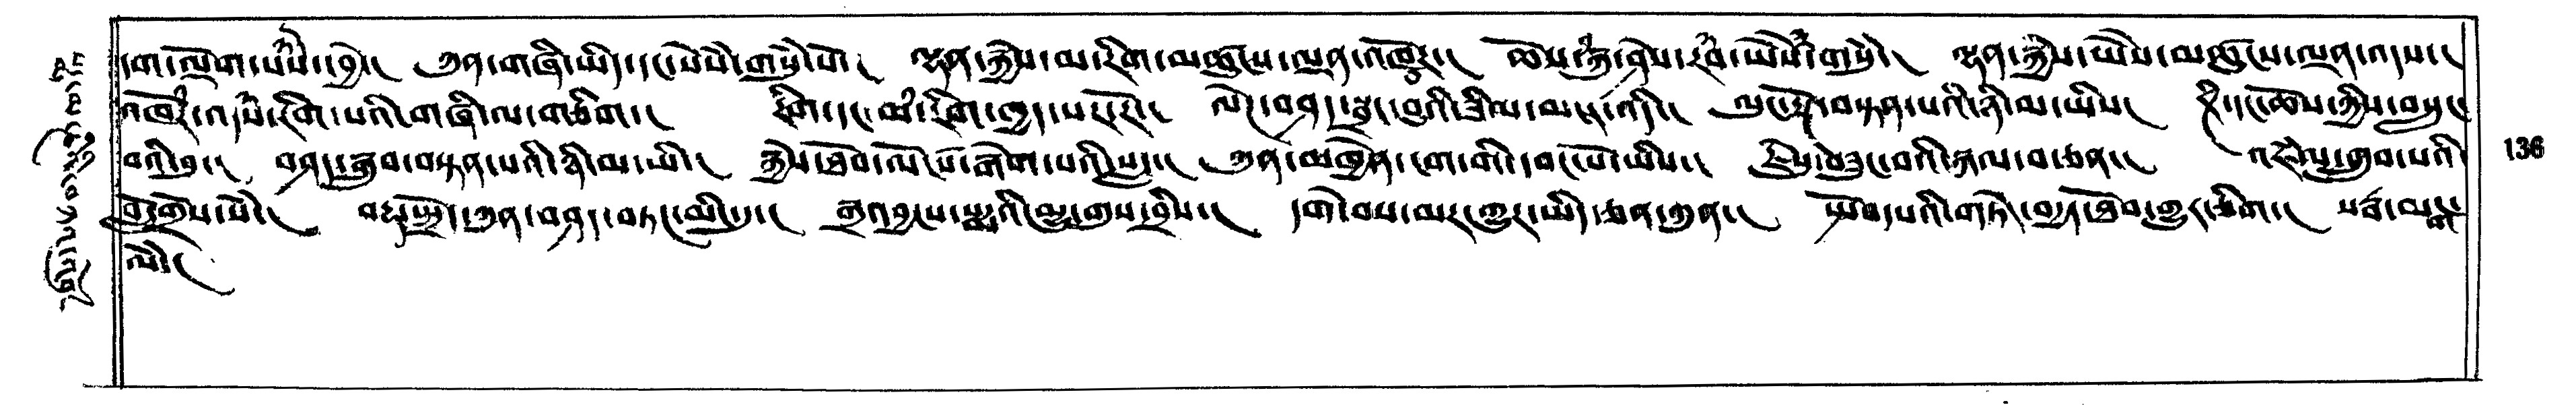དག་ལྡོག་པས་དབྱེ། །ཀུན་གཞི་ཡིད་དང་སེམས་གསུམ་པོ། །ལྷན་སྐྱེས་མ་རིག་མཚུངས་ལྡན་འཁོར། །ཆོས་སྐུ་ཤེས་རབ་ཡེ་ཤེས་གསུམ། །ལྷན་སྐྱེས་ཡེ་ཤེས་མཚུངས་ལྡན་འདས། །
འཁོར་འདས་རིག་པའི་གཞི་ལ་གཅིག །རིག་དང་མ་རིག་ཁྱད་པར་རོ། །ལེགས་བཤད་སྦྲང་རྩིའི་ཟིལ་མངར་འདི། །ལུང་རྟོགས་བསྟན་པའི་ཉི་མ་ཡིས། །རིགས་དང་ཆོས་ཀྱིས་བསྲུང་
བའི་བུ། །བཤད་སྒྲུབ་བསྟན་པའི་ཉི་མ་ཡི། །སྐྱེས་ཐོབ་ལང་ཚོས་སྒེག་པའི་སླད། །ཀུན་མཁྱེན་ངག་གི་དབང་པོ་ཡིས། །རྗེས་སུ་བཟུང་བའི་སྐལ་བ་ཅན། །འཇམ་དཔལ་གྲུབ་པའི་
བློ་གྲོས་སམ། །བརྡ་སྤྲོད་ཀུན་བཤད་བཏགས་མིང་དུ། །སྒྲ་དབྱངས་པདྨའི་མྱུ་གུས་བྲིས། །དགེ་བས་མར་གྱུར་ཡིད་ཅན་ཀུན། །སྤོབས་པའི་གཏེར་བརྒྱད་ཐོབ་གྱུར་ཅིག །སརྦ་མངྒ་
ལམ།། །།